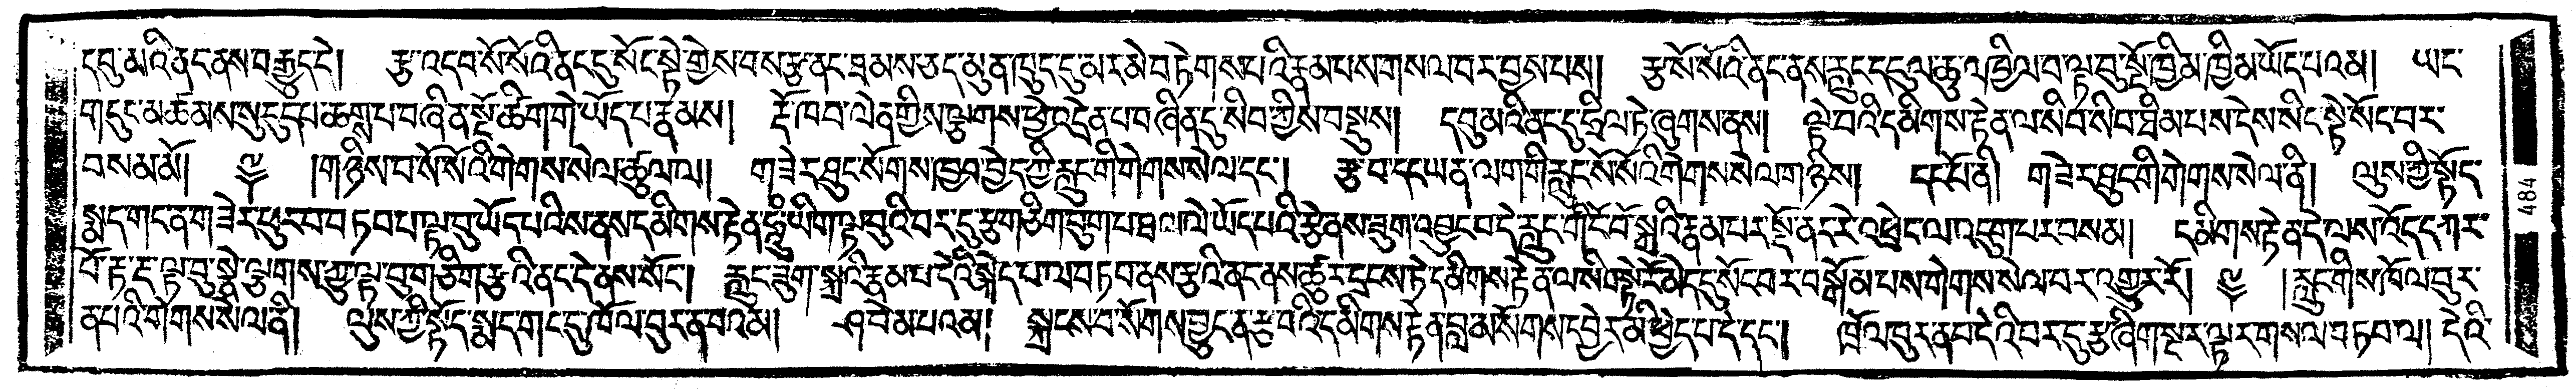དབུ་མའི་ནང་ནས་བརྒྱུད་དེ། རྩ་འདབ་སོ་སོའི་ནང་དུ་སོང་སྟེ་གྱེས་བས་རྩ་ནང་ཐམས་ཅད་མུན་ཁུང་དུ་མར་མེ་བཏེགས་པའི་རྣམ་པས་གསལ་བར་བྱས་པས། རྩ་སོ་སོའི་ནང་ནས་རླུང་དངུལ་ཆུ་འཁྱིལ་བ་ལྟ་བུ་སྔོ་ཁྱིམ་ཁྱིམ་ཡོད་པའམ། ཡང་
གདུང་མཚམས་སུ་དུད་པ་ཆགས་པ་བཞིན་སྔོ་ཚིག་གེ་ཡོད་པ་རྣམས། རྡོ་ཁབ་ལེན་གྱིས་ལྕགས་ཕྱེ་འདྲེན་པ་བཞིན་དུ་སིབ་ཀྱིས་བསྡུས། དབུ་མའི་ནང་དུ་ཧྲིལ་ཏེ་ཞུགས་ནས། ལྟེ་བའི་དམིགས་རྟེན་ལ་སིབ་སིབ་ཐིམ་པས་དེས་སིང་སྟེ་སོང་བར་
བསམ་མོ། ༈ །གཉིས་པ་སོ་སོའི་གེགས་སེལ་ཚུལ་ལ། གཟེར་ཐུང་སོགས་ཁྱབ་བྱེད་ཀྱི་རླུང་གི་གེགས་སེལ་དང་། རྩ་བ་དང་ཡན་ལག་གི་རླུང་སོ་སོའི་གེགས་སེལ་གཉིས། དང་པོ་ནི། གཟེར་ཐུང་གི་གེགས་སེལ་ནི། ལུས་ཀྱི་སྟོད་
སྨད་གང་ན་གཟེར་ཕུང་བ་བཏབ་པ་ལྟ་བུ་ཡོད་པའི་ས་ནས་དམིགས་རྟེན་ཧཱུཾ་ཡིག་ལྟ་བུའི་བར་དུ་རྩ་གཅིག་བུག་པ་ཐལ་ལེ་ཡོད་པའི་རྩེ་ནས་ཟུག་འབྱུང་བ་དེ་རླུང་གི་ངོ་བོ་སྐྲའི་རྣམ་པར་སྔོ་ནར་རེ་འཕྲེང་ལ་འདུག་པར་བསམ། དམིགས་རྟེན་དེ་ལས་འོད་དཀར་
པོ་རྟ་རྔ་ལྟ་བུ་སྣེ་ལྕགས་ཀྱུ་ལྟ་བུ་གཅིག་རྩའི་ནང་དེ་ནས་སོང་། རླུང་ཟུག་སྐྲའི་རྣམ་པ་དེའི་སྐེད་པ་ལ་བཏབ་ནས་རྩའི་ནང་ནས་ཚུར་དྲངས་ཏེ་དམིགས་རྟེན་ལ་སིབ་སྟེ་རོ་མེད་དུ་སོང་བར་བསྒོམ་པས་གེགས་སེལ་བར་འགྱུར་རོ། ༈ །རླུང་གིས་ཁོལ་བུར་
ན་པའི་གེགས་སལ་ནི། ལུས་ཀྱི་སྟོད་སྨད་གང་དུ་ཁོལ་བུར་ན་བའམ། ཤ་བེམ་པའམ། སྐྲངས་པ་སོགས་བྱུང་ན་རྩ་བའི་དམིགས་རྟེན་བླ་མ་སོགས་དབྱེར་མི་ཕྱེད་པ་དེ་དང་། ཁྲོལ་བུར་ན་བདེའི་བར་དུ་རྩ་ཞིག་སྔར་ལྟར་གསལ་བཏབ་ལ། དེའི་